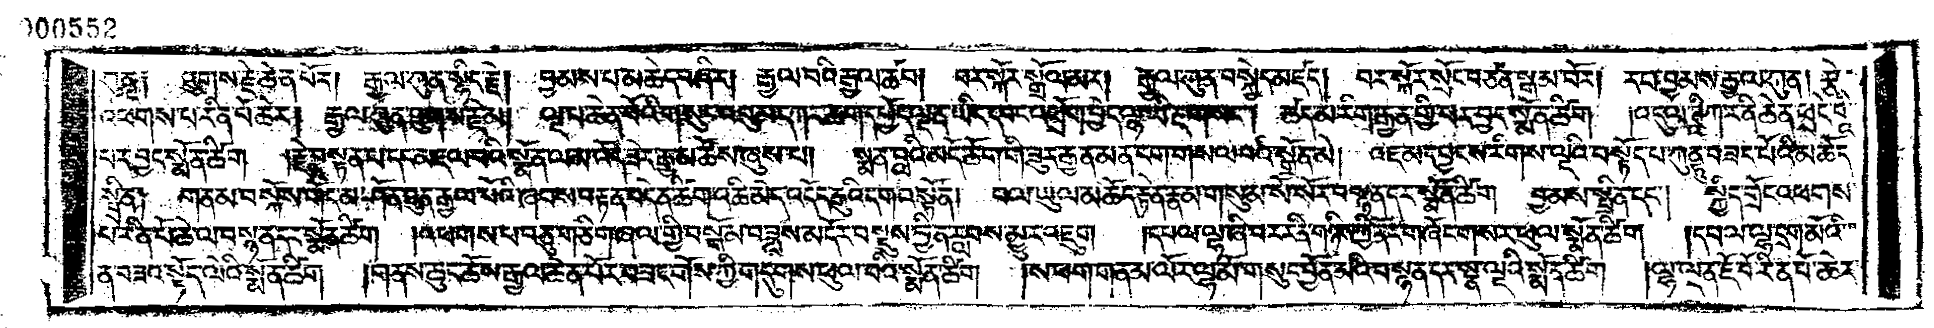ཀུནྡ༑ ཐུགས་རྗེ་ཆེན་པོར། རྒྱལ་ཀུན་སྙིང་རྗེ། བྱམས་པ་མཆེད་བཞིར། རྒྱལ་བའི་རྒྱལ་ཚབ། བར་སྐོར་སྒྲོལ་མར། རྒྱལ་ཀུན་བསྐྱེད་མཛད། བར་སྐོར་སྲོང་བཙན་སྒམ་བོར། རབ་བྱམས་རྒྱལ་ཀུན། རྩེ་
འཕགས་པ་རིན་པོ་ཆེར། རྒྱལ་ཀུན་ཐུགས་རྗེ་མ། ལྔ་པ་ཆེན་པོའི་གསུང་འབུམ་དཀར་ཆག་དཔྱོད་ལྡན་ཡིད་དབང་འཕྲོག་བྱེད་ལྷ་ཡི་རྔ་གསང་། ཚད་མ་རིག་རྒྱན་གྱི་པར་བྱད་སྨོན་ཚིག །འདུལ་ཊཱིཀ་རིན་ཆེན་ཕྲེང་བའི་
པར་བྱང་སྨོན་ཚིག །རྗེའི་བསྟན་པ་དང་མཇལ་བའི་སྨོན་ལམ་འོད་ཟེར་རྒྱ་མཚོས་ཞུས་པ། སྨན་བླའི་མདོ་ཆོག་གི་ཟུར་རྒྱན་མན་ངག་གསལ་བའི་སྒྲོན་མེ། འཇམ་དབྱངས་རིགས་ལྔའི་བསྟོད་པ་ཀུནྟུ་བཟང་པོའི་མཆོད་
སྤྲིན༑ གནམ་བསྐོས་གོང་མ་ཤོན་ཐུན་རྒྱལ་པོའི་ཞབས་བརྟན་བདེན་ཚིག་འཆི་མེད་འདོད་རྒུའི་དགའ་སྟོན། བལ་ཡུལ་མཆོད་རྟེན་རྣམ་གསུམ་སོ་སོར་བསྙན་དར་སྨོན་ཚིག་བྱམས་སྤྲིན་དང་། སྐྱིད་གྲོང་འཕགས་
པ་རིན་པོ་ཆེ་ལ་བསྙན་དང་སྨོན་ཚིག །འཕགས་པ་བཅུ་གཅིག་ཞལ་གྱི་བསྒོམ་བཟླས་མདོར་བསྡུས་བྱིན་རླབས་མྱུར་འཇུག །དཔལ་ལྷ་ཞི་བར་རིན་གཉིས་ཀྱི་ནོར་གཞོང་གསར་ཕུལ་སྨོན་ཚིག །དཔལ་ལྷ་དྲག་མོའི་
ན་བཟའ་སྟོད་ལེའི་སྨོན་ཚིག །གནས་ཆུང་ཆོས་རྒྱལ་ཆེན་པོར་བཟང་གོས་ཀྱི་གདུགས་ཕུལ་བའི་སྨོན་ཚིག །ས་ཕག་གནམ་ལོར་ལྷ་མོ་གསུང་བྱོན་མའི་བསྙན་དར་སྣ་ལྔའི་སྨོན་ཚིག །ལྷ་ལྡན་ཇོ་བོ་རིན་པོ་ཆེར་